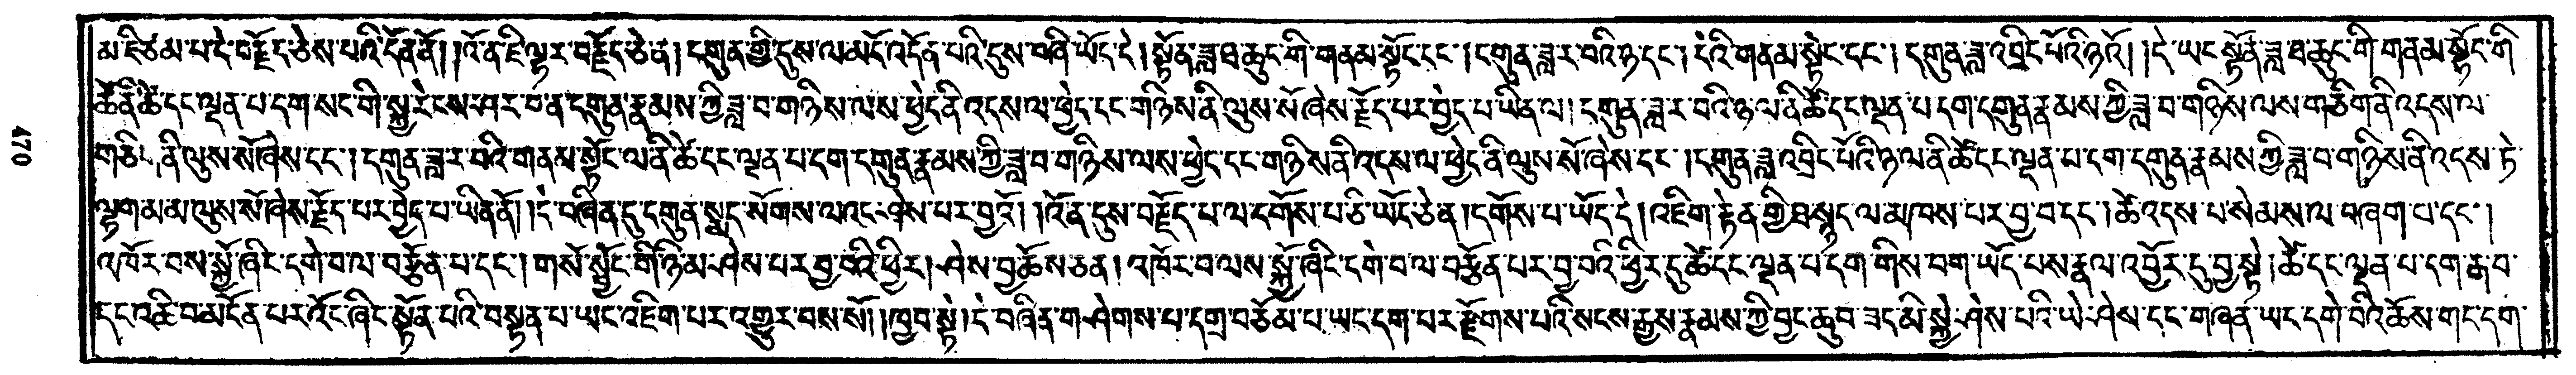མ་ཇི་ཙམ་པ་དེ་བརྗོད་ཅེས་པའི་དོན་ནོ། །འི་ན་ཇི་ལྟར་བརྗོད་ཅེ་ན། དགུན་གྱི་དུས་ལ་མདོ་འདོན་པའི་དུས་བཞི་ཡོད་དེ། སྟོན་ཟླ་ཐ་ཆུང་གི་གནམ་སྟོང་དང་།དགུན་ཟླ་ར་བའི་ཉ་དང་། དེའི་གནས་སྟེང་དང་།དགུན་ཟླ་འབྲིང་པོའི་ཉའོ། །དེ་ཡང་སྟོན་ཟླ་ཐ་ཆུང་གི་གནམ་སྟོང་གི་
ཚེ་ནི་ཚེ་དང་ལྡན་པ་དག་སང་གི་སྐྱ་རེངས་ཤར་བ་ན་དགུན་རྣམས་ཀྱི་ཟླ་བ་གཉིས་ལས་ཕྱེད་ནི་འདས་ལ་ཕྱེད་དང་གཉིས་ནི་ལུས་སོ་ཞེས་རྗོད་པར་བྱེད་པ་ཡིན་ལ། དགུན་ཟླ་ར་བའི་ཉ་ལ་ནི་ཚེ་དང་ལྡན་པ་དག་དགུན་རྣམས་ཀྱི་ཟླ་བ་གཉིས་ལས་གཅིག་ནི་འདས་ལ་
གཅིག་ནི་ལུས་སོ་ཞེས་དང་། དགུན་ཟླ་ར་བའི་གནམ་སྟོང་ལ་ནི་ཚེ་དང་ལྡན་པ་དག་དགུན་རྣམས་ཀྱི་ཟླ་བ་གཉིས་ལས་ཕྱེད་དང་གཉིས་ནི་འདས་ལ་ཕྱེད་ནི་ལུས་སོ་ཞེས་དང་། དགུན་ཟླ་འབྲིང་པོའི་ཉ་ལ་ནི་ཚེ་དང་ལྡན་པ་དག་དགུན་རྣམས་ཀྱི་ཟླ་བ་གཉིས་ནི་འདས་ཏེ་
ལྷག་མ་མ་ལུས་སོ་ཞེས་རྗོད་པར་བྱེད་པ་ཡིན་ནོ། །དེ་བཞིན་དུ་དགུན་སྨད་སོགས་ལའང་ཤེས་པར་བྱའོ། །འོ་ན་དུས་བརྗོད་པ་ལ་དགོས་པ་ཅི་ཡོད་ཅེ་ན། དགོས་པ་ཡོད་དེ། འཇིག་རྟེན་གྱི་ཐ་སྙད་ལ་མཁས་པར་བྱ་བ་དང་། ཚེ་འདས་པ་སེམས་ལ་བཞག་པ་དང་།
འཁོར་བས་སྐྱོ་ཞིང་དགེ་བ་ལ་བརྩོན་པ་དང་། གསོ་སྦྱོང་གི་ཉི་མ་ཤེས་པར་བྱ་བའི་ཕྱིར། ཤེས་བྱ་ཆོས་ཅན། འཁོར་བ་ལས་སྐྱོ་ཞིང་དགེ་བ་ལ་བརྩོན་པར་བྱ་བའི་ཕྱིར་དུ་ཚེ་དང་ལྡན་པ་དག་གིས་བག་ཡོད་པས་རྣལ་འབྱོར་དུ་བྱ་སྟེ། ཚེ་དང་ལྡན་པ་དག་རྒ་བ་
དང་འཆི་བ་མངོན་པར་འོང་ཞིང་སྟོན་པའི་བསྟན་པ་ཡང་འཇིག་པར་འགྱུར་བས་སོ། །ཁྱབ་སྟེ་།དེ་བཞིན་གཤེགས་པ་དགྲ་བཅོམ་པ་ཡང་དག་པར་རྫོགས་པའི་སངས་རྒྱས་རྣམས་ཀྱི་བྱང་ཆུབ་ཟད་མི་སྐྱེ་ཤེས་པའི་ཡེ་ཤེས་དང་གཞན་ཡང་དགེ་བའི་ཆོས་གང་དག་